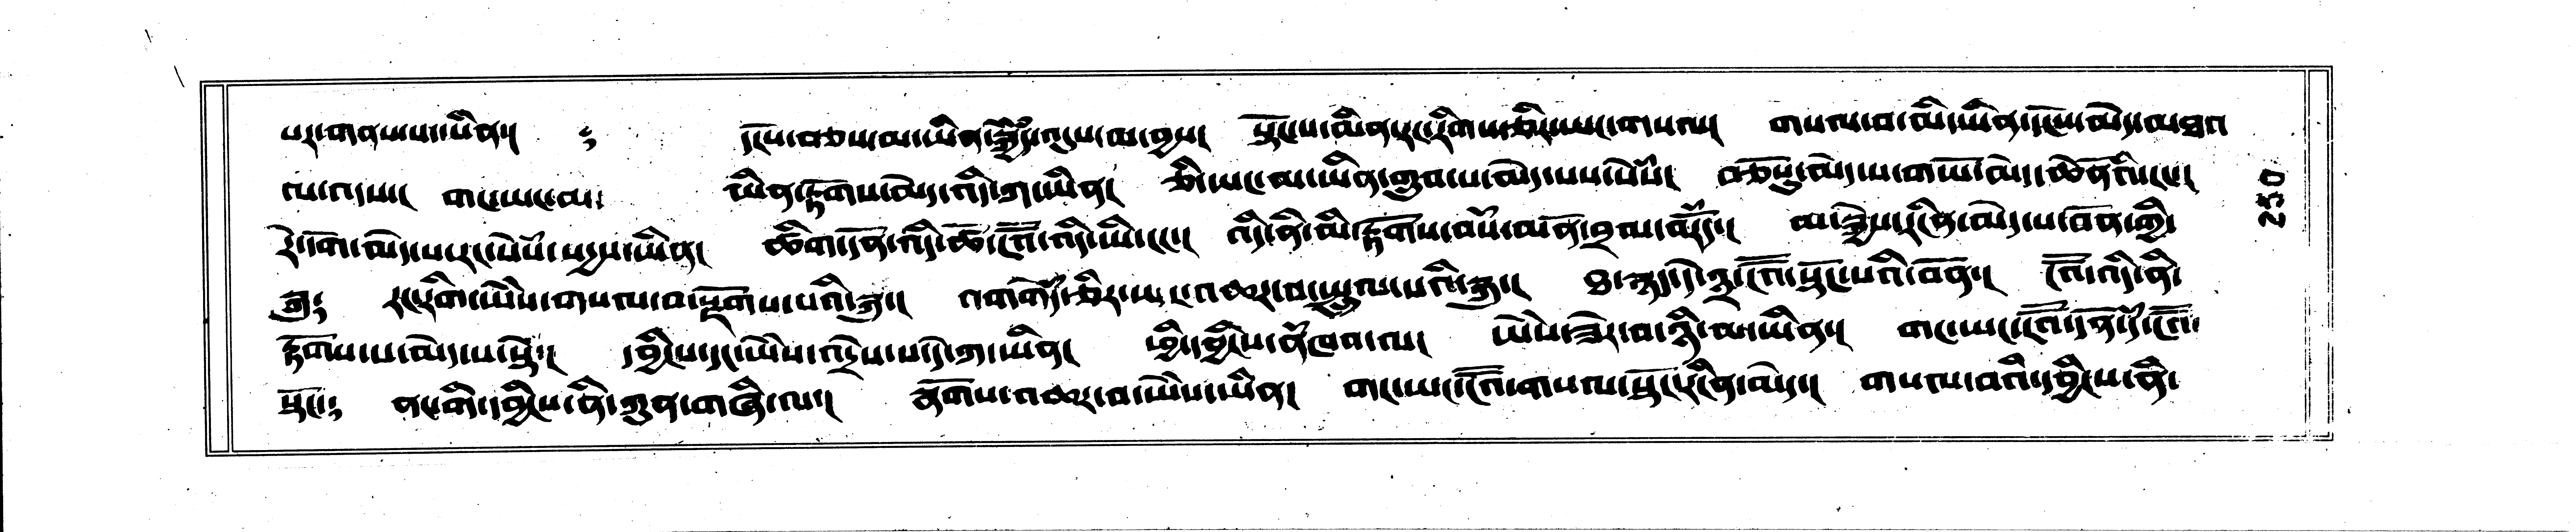སར་གནས་པ་ཡིན། དངོས་བཅས་མ་ཡིན་སྐྱེ་མེད་འདུས་མ་བྱས། སྟོང་པ་མ་ཡིན་རང་རིག་ཅིར་ཡང་གསལ། གསལ་བ་མ་ཡིན་དངོས་མེད་མཐའ་
ལས་འདས། གང་ཡང་མ་ཡིན་རྟོག་མེད་འདི་ཀ་ཡིན། ཅི་ཡང་མ་ཡིན་གྲུབ་པ་མེད་པ་སེམས་། བཅོས་སུ་མེད་པས་གཡོ་མེད་ཆེན་པོའི་ངང་། 
རེ་དོག་མེད་པས་རང་སེམས་སངས་རྒྱས་སྐུ། ཚིག་དོན་དེ་ཚོ་ངོའོ་འདིའི་ངང་། འདི་ནི་མ་རྟོགས་བསམ་མནོའ་བྲལ་བར་མཛོད། མ་སྐྱེས་རང་བཞིན་མེད་པ་བོན་ཀྱི་
སྐུ། རང་རིག་ཡེ་ཤེས་་གསལ་བ་རྫོགས་པའི་སྐུ། འགགས་མེད་ཅིར་ཡང་འཆར་བ་སྤྲུལ་པའི་སྐུ། ཐ་སྙད་དེ་གསུམ་ངོའོ་སྟོང་པའི་བོན། ངོའོ་འདི་ནི་
རྟོགས་པ་མེད་པ་སྟེ། དབྱིངས་དང་ཡེ་ཤེས་འདྲེས་པ་དེ་ཀ་ཡིན། ཕྱིའི་དབྱིངས་ནི་ནམ་མཁའ་ལ། ཡེ་ཤེས་ཟེར་བ་ཉི་མ་ཡིན། གང་ཡང་དོན་དམ་ངོའོ་
སྟོང་། ནང་གི་དབྱིངས་ནི་ཀུན་གཞི་ལ། སྣ་ཚོགས་འཆར་བ་ཡེ་ཤེས་ཡིན། གང་ཡང་ངོའོ་གསལ་སྟོང་རང་བཞིན་མེད། གསང་བའི་དབྱིངས་ནི་